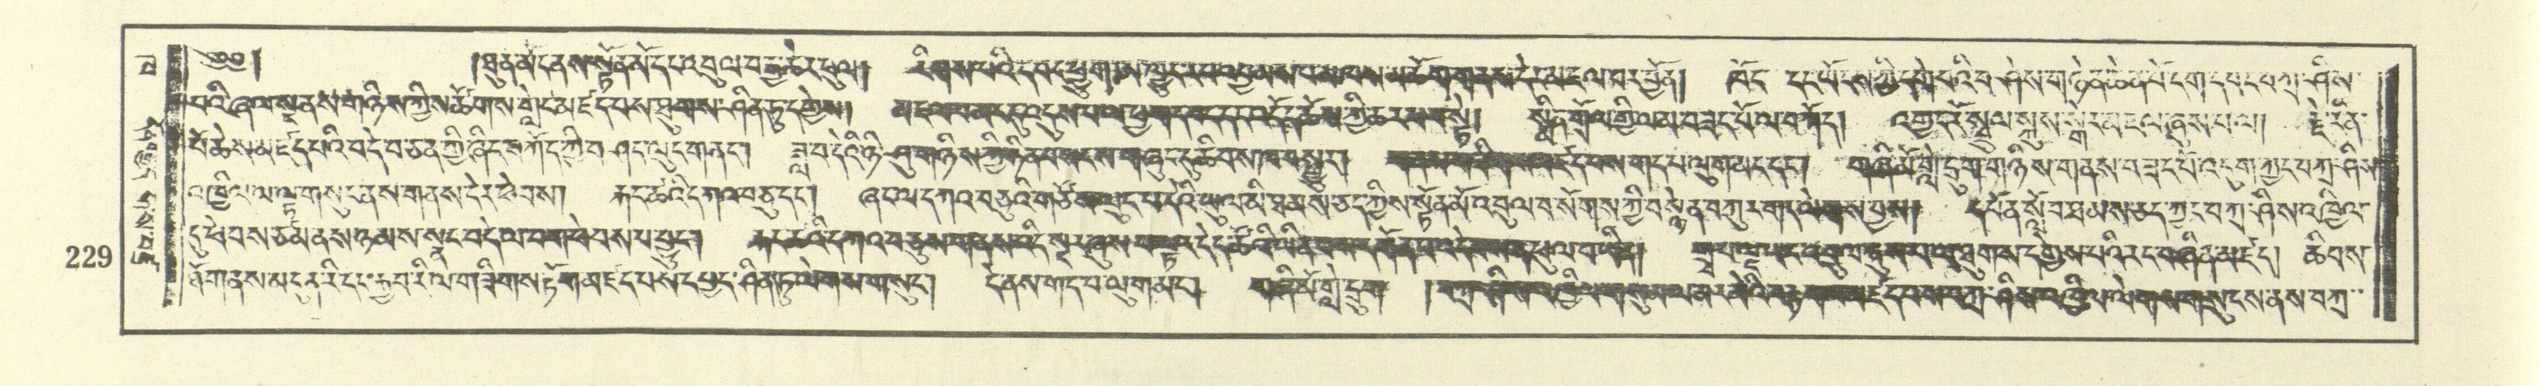༄༅། །ཐུན་མོང་ནས་སྟོན་མོ་དང་འབུལ་བརྒྱ་ཆེར་ཕུལ། རིགས་པའི་དབང་ཕྱུག་ཨ་ཁྱུད་རབ་འབྱམས་པ་མཁས་མཆོག་གནས་དེར་མཇལ་བར་བྱོན། ཁོང་དང་ཡོངས་ཀྱི་དགེ་བའི་བཤེས་གཉེན་ཆེན་པོ་ངག་དབང་བཀྲ་ཤིས་
པའི་ཞལ་སྔ་ནས་གཉིས་ཀྱིས་ཚོགས་གླེང་མཛད་པས་ཐུགས་ཤིན་ཏུ་དགྱེས། མཇལ་བ་མང་དུ་འདུས་པ་ལ་ཕྱག་དབང་དང་འདོད་ཆོས་ཀྱི་ཆར་ཕབ་སྟེ། སྨིན་གྲོལ་གྱི་ལམ་བཟང་པོ་ལ་བཀོད། འགྱང་རོ་སྤྲུལ་སྐུས་སྒེར་མཇལ་ཞུས་པ་ལ། རྗེ་རིན་
པོ་ཆེས་མཛད་པའི་བདེ་བ་ཅན་གྱི་ཞིང་བཀོད་ཀྱི་བཤད་ལུང་གནང་། ཟླ་བ་དེའི་ཉི་ཤུ་གཉིས་ཀྱི་ཉིན་བསངས་གཞུང་དུ་ཆིབས་ཁ་བསྒྱུར། གནས་གཟིགས་མཛད་པས་གད་པ་ལུག་མང་དང་། གཞི་མོ་གླེ་དྲུག་གཉིས་གནས་བཟང་པོ་འདུག་ཀྱང་བཀྲ་ཤིས་
འཁྱིལ་ལ་ལྟ་གསུང་ནས་གནས་དེར་ཕེབས། རྐང་ཚའི་དཀའ་བཅུ་དང་། ཞང་ལ་དཀའ་བཅུའི་གཙོས་ལུང་པ་དེའི་ཡུལ་མི་ཐམས་ཅད་ཀྱིས་སྟོན་མོ་འབུལ་བ་སོགས་ཀྱི་བསྙེན་བཀུར་གད་ལེགས་བྱས། དཔོན་སློབ་ཐམས་ཅད་ཀྱང་བཀྲ་ཤིས་འཁྱིལ་
དུ་ཕེབས་ཙམ་ནས་ཉམས་སྣང་བདེ་ལ་བག་ཕེབས་པ་བྱུང་། རྐང་ཚའི་དཀའ་བཅུས་གནས་འདི་སྔར་ཞུས་པ་ལྟར་དེད་ཚོའི་ཡིན་པས་དགོན་པ་འདེབས་ན་ཕུལ་བ་ཡིན། གྲྭ་པ་ལྔ་ཡང་འབུལ་ཞུས་པ་ལ་ཐུགས་དགྱེས་པའི་རང་བཞིན་མཛད། ཆིབས་
ཐོག་ནས་མདུན་རི་དང་རྒྱབ་རི་ཡ་གཟིགས་རྟོག་མཛད་པས་དཔྱད་ཤིན་ཏུ་ལེགས་གསུང་། དེ་ནས་གད་པ་ལུག་མང་། གཞི་མོ་གླེ་དྲུག །བཀྲ་ཤིས་འཁྱིལ་གསུམ་ལ་མར་མེའི་བརྟག་པ་མཛད་པས་བཀྲ་ཤིས་འཁྱིལ་ལེགས་གསུངས་ནས་བཀྲ་